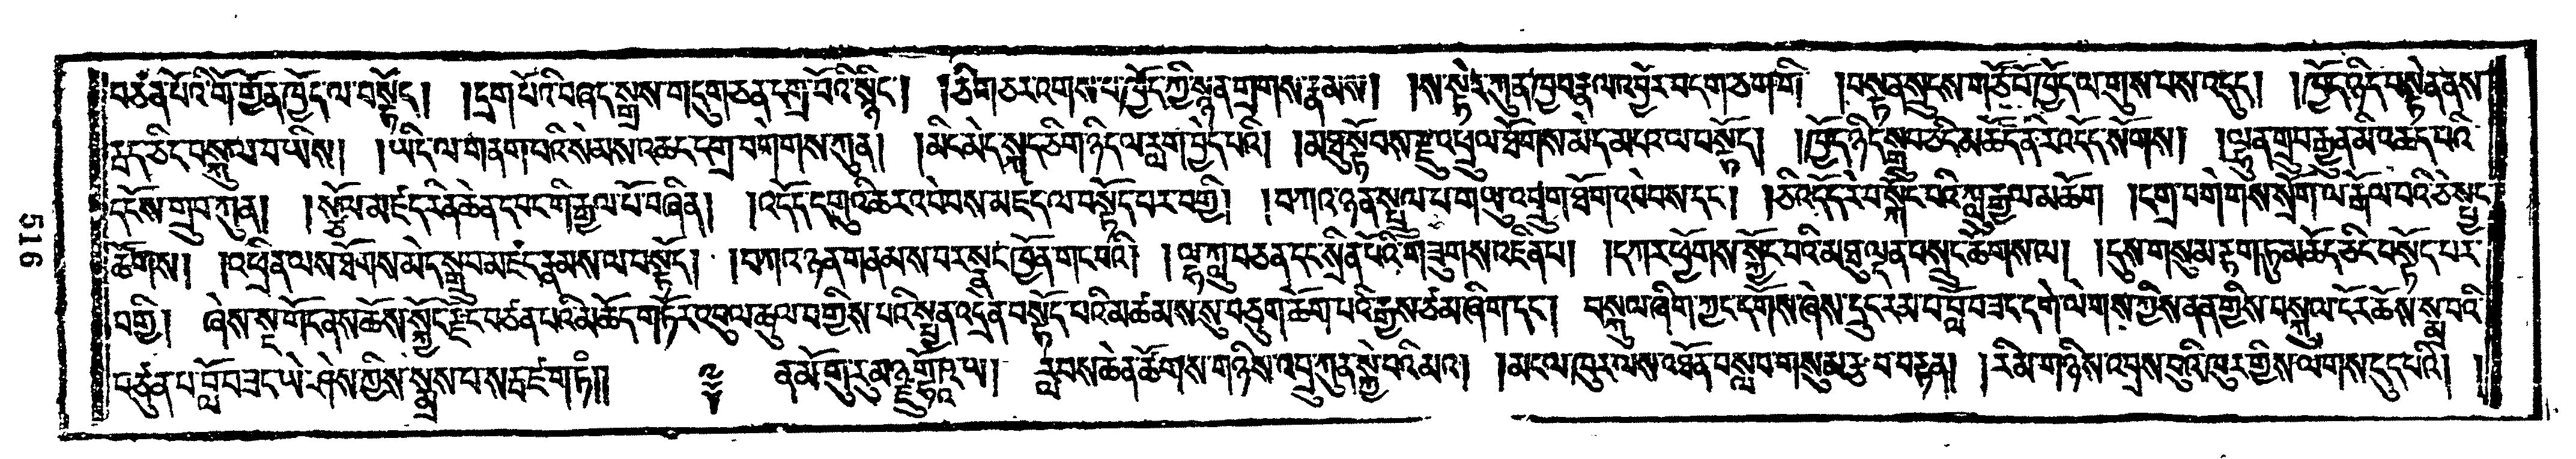བཙན་པོའི་གོ་གྱོན་ཁྱོད་ལ་བསྟོད། །དྲག་པོའི་བཞད་སྒྲས་གདུག་ཅན་དགྲ་བོའི་སྙིང་། །ཅིག་ཅར་འགས་པ་ཁྱོད་ཀྱི་སྙན་གྲགས་རྣམས། །ས་སྟེར་ཀུན་ཁྱབ་རྣལ་འབྱོར་བདག་ཅག་གི །བསྟན་སྲུངས་གཙོ་བོ་ཁྱོད་ལ་གུས་པས་འདུད། །ཁྱོད་ཉིད་བསྟེན་ནས་
རྦད་ཅིང་བསྐུལ་བ་ཡིས། །ཡིད་ལ་གནག་པའི་སེམས་འཆང་དགྲ་བགེགས་ཀུན། །མིང་མེད་སྐད་ཅིག་ཉིད་ལ་རླག་བྱེད་པའི། །མཐུ་སྟོབས་རྫུ་འཕྲུལ་ཐོགས་མེད་མངའ་ལ་བསྟོད། །ཁྱོད་ཉིད་སྒྲུབ་ཅིང་མཆོད་ནི་ར་འདོད་སོགས། །ལྷུན་གྲུབ་རྒྱུན་མི་འཆད་པའི་
དངོས་གྲུབ་ཀུན། །སྩོལ་མཛད་རིན་ཆེན་དབང་གི་རྒྱལ་པོ་བཞིན། །འདོད་དགུའི་ཆར་འབེབས་མཛད་ལ་བསྟོད་པར་བགྱི། །བཀའ་ཉན་སྤྲུལ་པ་གཡུ་འབྲུག་ཐོག་འབེབས་དང་། །ཅི་འདོད་རེ་བ་སྐོང་བའི་ཀླུ་རྒྱལ་མཆོག །དགྲ་བགེགས་སྲོག་ལ་རྒོལ་བའི་ཅེ་སྤྱང་
ཚོགས། །འཕྲིན་ལས་ཐོགས་མེད་སྒྲུབ་མཛད་རྣམས་ལ་བསྟོད། །བཀའ་ཉན་གནམ་ས་བར་སྣང་ཁྱོན་གང་བའི། །ལྷ་ཀླུ་བཅན་དང་སྲིན་པོའི་གཟུགས་འཛིན་པ། །དཀར་ཕྱོགས་སྐྱོང་བའི་མཐུ་ལྡན་བསྲུང་ཚོགས་ལ། །དུས་གསུམ་རྟག་ཏུ་མཆོད་ཅིང་བསྟོད་པར་
བགྱི། ཞེས་སྔ་གོང་ནས་ཆོས་སྐྱོང་རྫོང་བཙན་པའི་མཆོད་གཏོར་འབུལ་ཆུལ་བགྱིས་པའི་སྤྱན་འདྲེན་བསྟོད་པའི་མཚམས་སུ་བཅུག་ཆོག་པའི་རྒྱས་ཙམ་ཞིག་དང་། བསྐུལ་ཞིག་ཀྱང་དགོས་ཞེས་དྲུང་རམ་བ་བློ་བཟང་དགེ་ལེགས་ཀྱིས་ནན་གྱིས་བསྐུལ་ངོར་ཆོས་སྨྲ་བའི་
བཙུན་པ་བློ་བཟང་ཡེ་ཤེས་ཀྱིས་སྨྲས་པ་སརྦ་ཛ་ག་ཏཾ།། ༈ ན་མོ་གུ་རུ་མཉྫུ་གྷོ་ཥཱ་ཡ། རླབས་ཆེན་ཚོགས་གཉིས་འབྲུ་ཀུན་སྐྱེ་བའི་མའ། །མངལ་ཁུར་ལས་འཐོན་བསླབ་གསུམ་རྩ་བ་བརྟན། །རིམ་གཉིས་འབྲས་བུའི་ཁུར་གྱིས་ལེགས་དུད་པའི། །